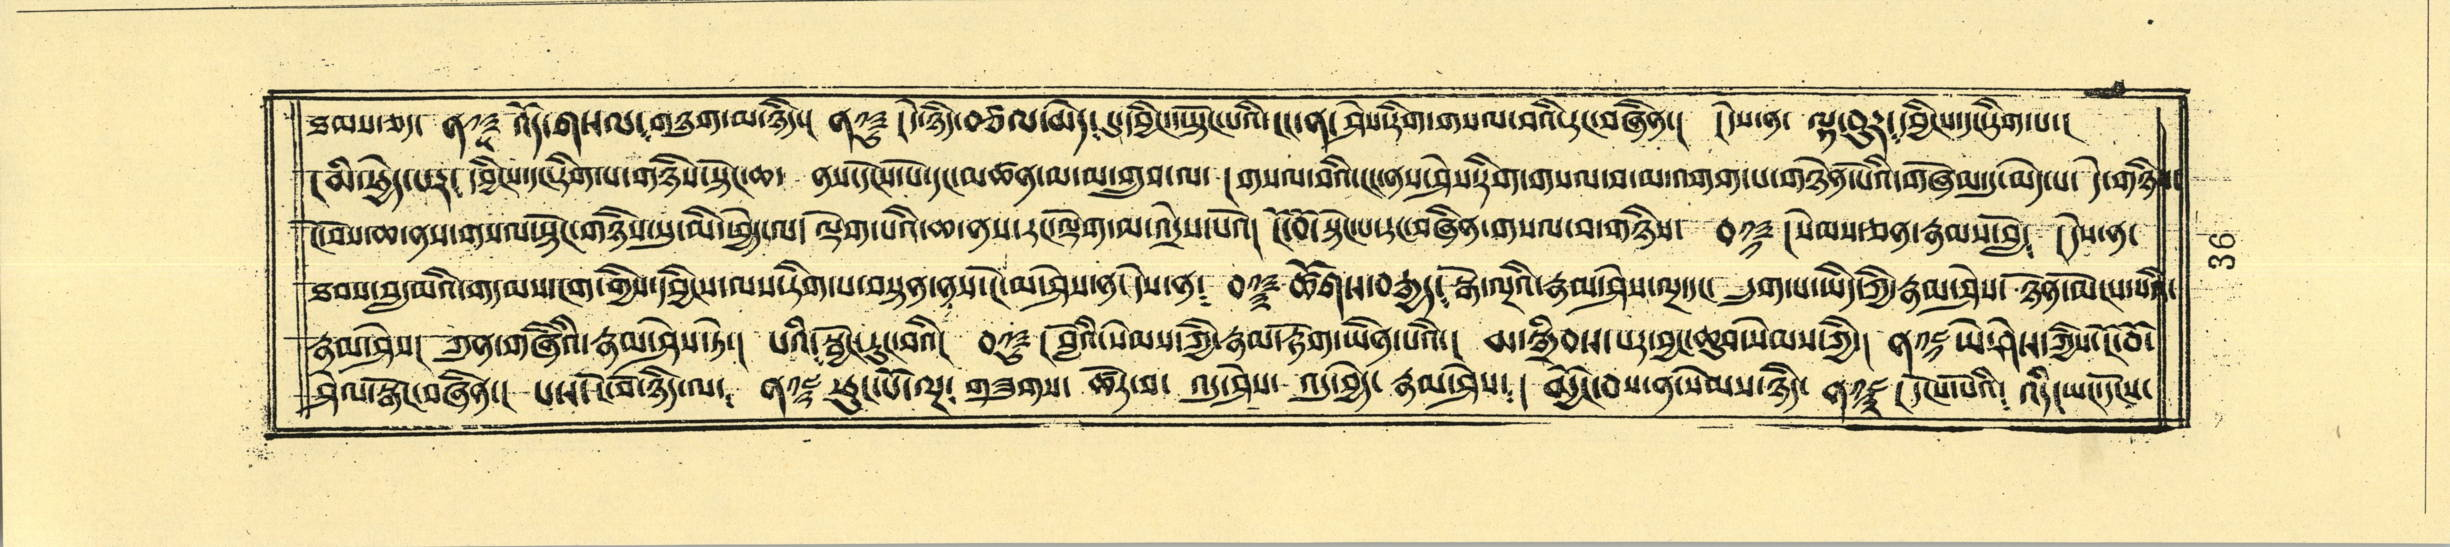ཐམས་ཅད་ ན༡༣།༥ ༼འོད་གསལ༽གཉུག་མ་ཉིད། ན༡༣།༦ དེ་ཉིད་༼བཙལ་མེད༽དུ་དབྱིངས་སྟོང་པའི་༼ངང་ན༽ཤེས་རིག་གསལ་བའི་རང་བཞིན། དེས་ན་༼ལྟ་བུར༽དབྱིངས་དང་རིག་པ་
༼མི་ཕྱེད་པར༽དབྱིངས་དང་རིག་པ་གཉིས་སྟོང་ཆ་དངོས་པོ་དང་མཚན་མ་མ་གྲུབ་ལ། གསལ་བའི་ངང་ནས་ཤེས་རིག་གསལ་བ་མ་འགག་པ་གཉེན་པོའི་གཞོམ་དུ་མེད་པ། དེ་གཉིས་
ངོ་བོའི་ཆ་ནས་གསལ་སྟོང་གཉིས་སུ་མི་ཕྱེད་པ། ལྡོག་པའི་ཆ་ནས་རང་ལྡོག་མ་འདྲེས་པའོ། ངོ་བོ་༼སྟོང་པ༽རང་བཞིན་གསལ་བ་གཉིས། བ༡༣།༡ སེམས་ཅན་རྣམས་བློ། དེས་ན་
ཐབས་བླ་མའི་གདམས་ངག་གིས་དབྱིངས་ལས་རིག་པ་བསྟན་ནས་ངོ་མ་ཤེས་ན་དེས་ན། བ༡༣།༣ ༼ཚོགས་བརྒྱད༽སྒོ་ལྔའི་རྣམ་ཤེས་ལྔ་དང་དྲུག་པ་ཡིད་ཀྱི་རྣམ་ཤེས། ཉོན་མོངས་པའི་
རྣམ་ཤེས། ཀུན་གཞིའི་རྣམ་ཤེས་ཏེ་ ༼པའི༽སྦྱོང་རུང་བའི་ བ༡༣།༦ བློའི་སེམས་ཀྱི་རྣམ་རྟོག་ཡིན་པའི་ ༼མ་བསྒྲིབས་༽པར་བྱང་ཆུབ་སེམས་ཀྱི་ན༡༤།༡ ༼ཡེ་ཤེས༽ཀྱིས་ངོ་བོ་
ཤེལ་སྒོང་བཞིན་༼པས༽ངོ་བོ་ཉིད་ལ། ན༡༤། ཕུང་པོ་ལྔ་གཟུགས་ཚོར་བ་འདུ་ཤེས་འདུ་བྱེད་རྣམ་ཤེས་ ༼མྱོང་བས་༽ན་སེམས་ཉིད་ན༡༤།༣ དངོས་པོའི་ ༼འདི་༽ཡང་དངོས་